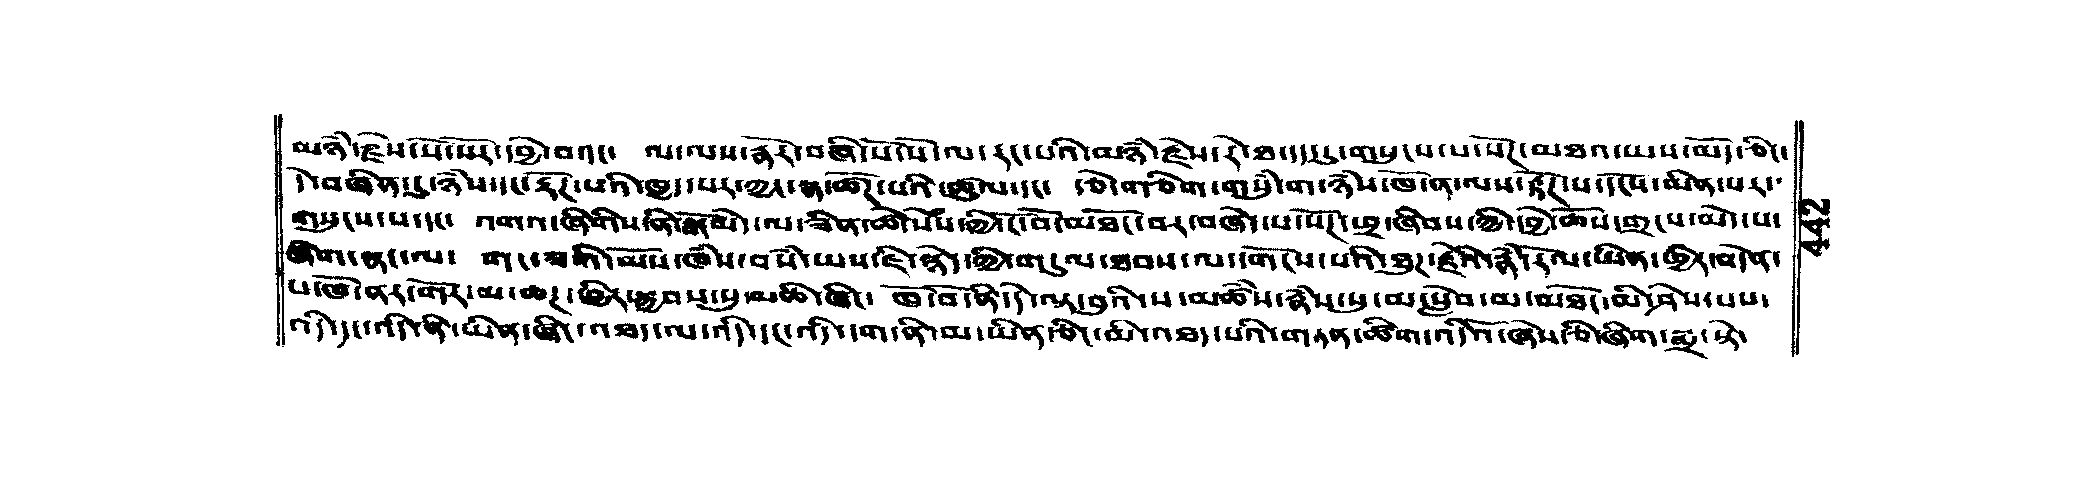མཉམ་རྗེས་སོ་སོར་དབྱེ་བ་དང་། ལ་ལས་རྣལ་འབྱོར་བཞི་སོ་སོ་ལ་རང་སའི་མཉམ་རྗེས་རེ་ཐ་དད་དུ་གསུངས་པ་སོགས་མཐའ་ཡས་མོད་ཅིང་། 
དེ་བཞིན་དུ་ཉམས་དང་རྟོགས་པའི་ཁྱད་པར་ཡང་སྣ་ཚོགས་པའི་ཚུལ་དང་།རྩེ་གཅིག་གསུམ་ག་ཉམས་ཁོ་ན་ལས་རྟོགས་པ་དངོས་མིན་པར་
གསུངས་པ་དང་། འགའ་ཞིག་གིས་ནི་སྒོམ་མེད་ལ་ཟིན་ཚེ་སེམས་ཀྱི་ངོ་བོ་མཐོང་བར་བཞེད་པ་སོགས་ཕྲ་ཞིབ་ཀྱི་དབྱེ་ཆོས་གྲངས་མེད་པ་
ཞིག་སྣང་ལ། གང་ཟག་གི་མོས་ཁམས་བསམ་ཡས་ཇི་སྙེད་ཀྱི་གདུལ་ཐབས་ལ་དགོངས་པའི་ཐུགས་རྗེའི་རྣམ་རོལ་ཡིན་ཕྱིར་བདེན་
པ་ཁོ་ནར་གོར་མ་ཆགས་ཕྱིར་སྐྱབས་སུ་མཆི་ཞིང་། ཁོ་བོ་ནི་དེ་ལྟ་བུའི་ས་མཚམས་རྣམས་སུ་མ་སླེབས་མ་མཐོང་མི་ཤེས་པས་
འདི་དང་འདི་ནི་ཡིན་ཞིང་འཐད་ལ། འདི་དང་འདི་དག་ནི་མ་ཡིན་ཅིང་མི་འཐད་པའི་གཏན་ཚིགས་འདིའོ་ཞེས་ཅི་ཞིག་སྨྲ་སྟེ།